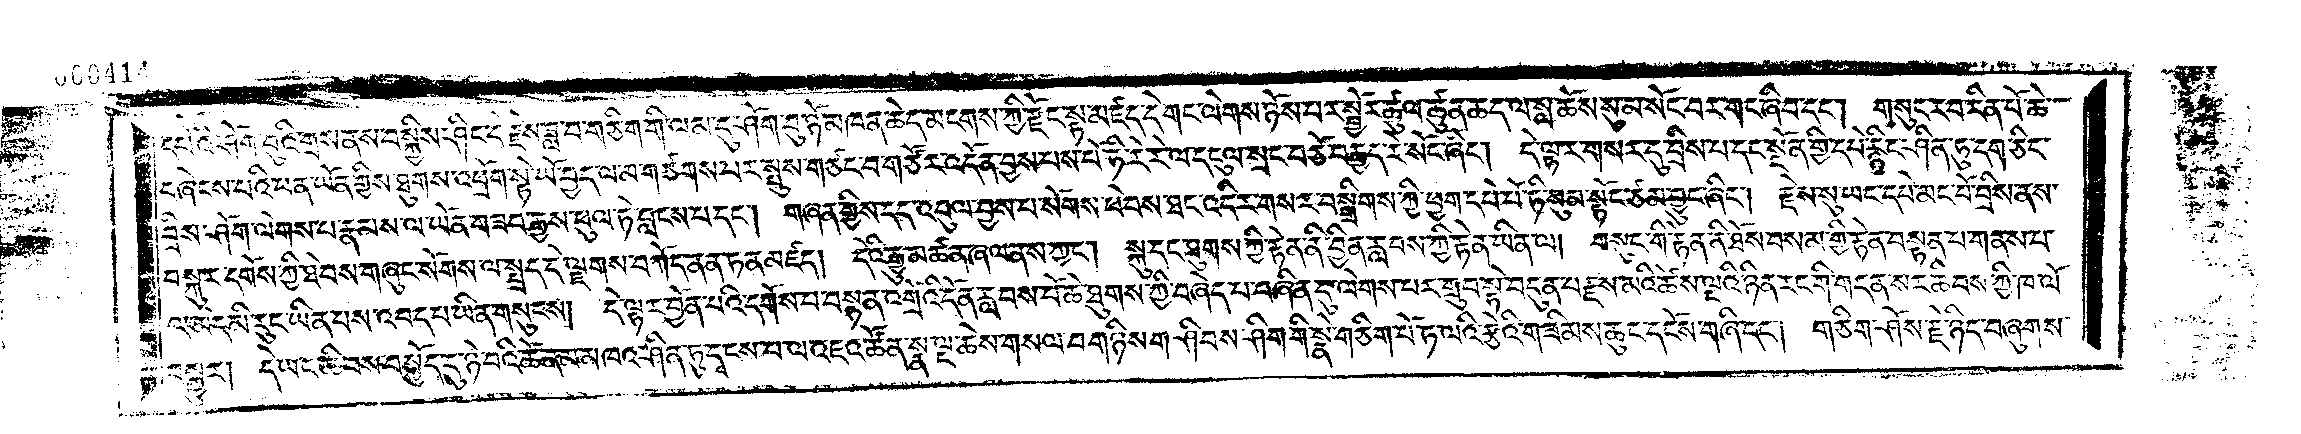དཔེའི་ཤོག་བུའི་གྲས་ནས་བསྐྱིས་ཤིང་དེ་རྫེས་ཟླ་བ་གཅིག་གི་ལམ་དུ་ཤོག་བུ་ཉོ་མཁན་ཆེད་མངགས་ཀྱི་རྫོང་སྟ་མཛད་དེ་གང་ལེགས་ཉོས་པར་སྦྱོར་ཚུལ་ཚུན་ཆད་ལ་སླ་ཆོས་སུམ་སོང་བར་གང་ཞིབ་དང་། གསུང་རབ་རིན་པོ་ཆེ་
བཞེངས་པའི་ཕན་ཡོན་གྱིས་ཐུགས་འཕྲོག་སྟེ་ཡོ་བྱད་ལམ་གཙགས་པར་སྤུས་གཙང་བ་གཙོར་འདོན་བྱས་པས་པོ་ཏི་རེ་རེ་ལ་དངུལ་སྲང་བཅོ་བརྒྱད་རེ་སོང་ཞིང་། དེ་ལྟར་གསར་དུ་བྲིས་པ་དང་སྔོན་གྱི་དཔེ་རྙིང་ཤིན་ཏུ་དག་ཅིང་
བྲིས་ཤོག་ལེགས་པ་རྣམས་ལ་ཡོན་གཟབ་རྒྱས་ཕུལ་ཏེ་བླངས་པ་དང་། གཞན་གྱིས་དད་འབུལ་བྱས་པ་སོགས་ཕེབས་ཐང་འདིར་གསར་བསྒྲིགས་ཀྱི་ཕྱག་དཔེ་པོ་ཏི་སུམ་སྟོང་ཙམ་བྱུང་ཞིང་། རྗེས་སུ་ཡང་དཔེ་མང་པོ་བྲིས་ནས་
བསྐུར་དགོས་ཀྱི་ཐེབས་གཞུང་སོགས་ལ་སྤྲད་དེ་ལྗགས་བཀོད་ནན་ཏན་མཛད། དེའི་རྒྱུ་མཚན་ཞལ་ནས་ཀྱང་། སྐུ་དང་ཐུགས་ཀྱི་རྟེན་ནི་བྱིན་རླབས་ཀྱི་རྟེན་ཡིན་ལ། གསུང་གི་རྟེན་ནི་ཐོས་བསམ་གྱི་རྟེན་བསྟན་པ་གནས་པ་
ལ་མེད་མི་རུང་ཡིན་པས་འབད་པ་ཡིན་གསུངས། དེ་ལྟར་བྱོན་པའི་དགོས་པ་བསྟན་འགྲོའི་དོན་རླབས་པོ་ཆེ་ཐུགས་ཀྱི་བཞེད་པ་བཞིན་དུ་ལེགས་པར་གྲུབ་སྙེ་བ་དུན་པ་རྗེས་མའི་ཚེས་ལྔའི་ཉིན་རང་གི་གདན་སར་ཆིབས་ཀྱི་ཁ་ལོ་
བསྒྱུར། དེ་ཡང་ཆིབས་བསྐྱོད་དུ་ཉེ་བའི་ཚེ་ནམ་མཁའ་ཤིན་ཏུ་དྭངས་པ་ལ་འཇའ་ཚོན་སྣ་ལྔ་ཆེས་གསལ་བ་གཉིས་གཤིབས་ཤིག་གི་སྣེ་གཅིག་པོ་ཏ་ལའི་རྩེའི་གཟིམས་ཆུང་དངོས་གཞི་དང་། གཅིག་ཤོས་རྗེ་ཉིད་བཞུགས་